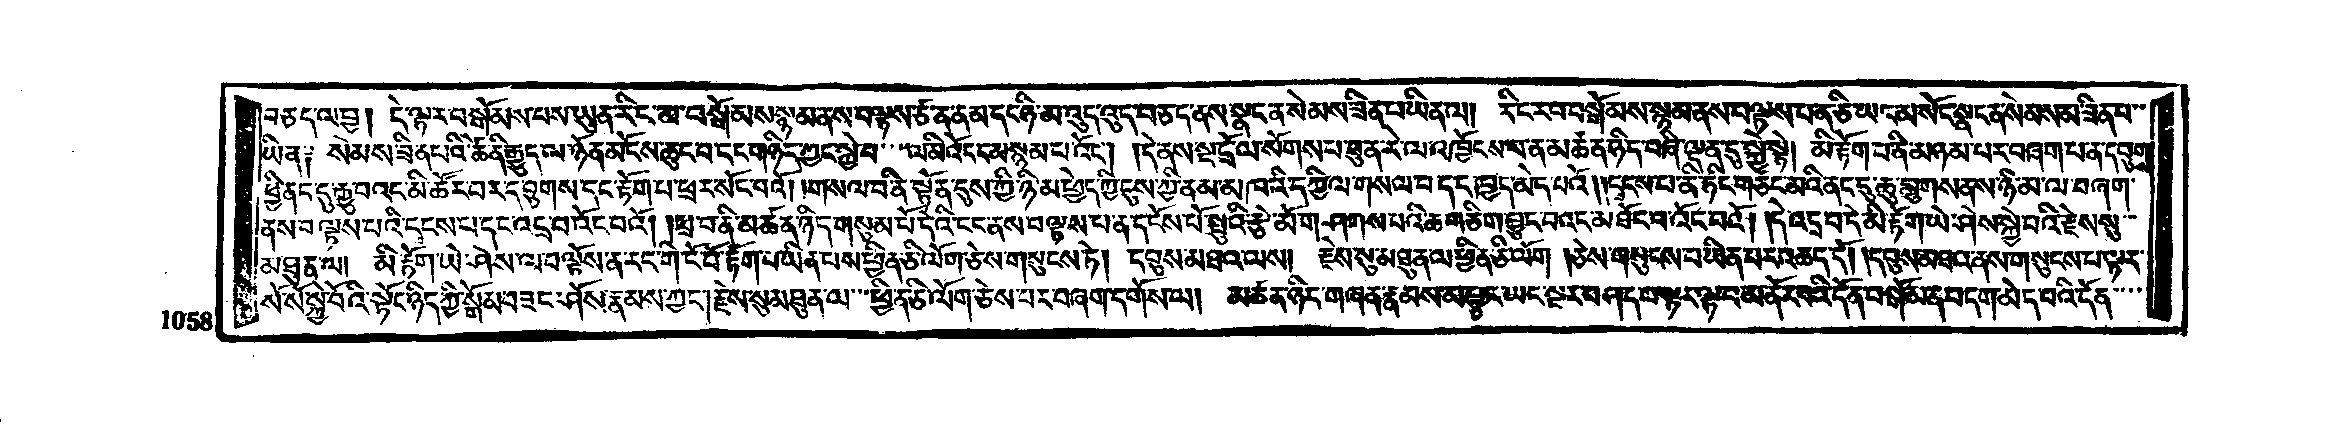བཅད་ལ་བྱ། དེ་ལྟར་བསྒོམས་པས་ཡུན་རིང་མ་བསྒོམས་སྙམ་ནས་བལྟས་ཙ་ན་ནམ་དང་ཉི་མ་འུད་འུད་བཅད་ནས་སྣང་ན་སེམས་ཟིན་པ་ཡིན་ལ། རིང་རབ་བསྒོམས་སྙམ་ནས་བལྟས་པ་ན་ཅི་ཡང་མ་སོང་སྣང་ན་སེམས་མ་ཟིན་པ་
ཡིན༑ སེམས་ཟིན་པའི་ཚེ་ནི་རྒྱུད་ལ་ཉོན་མོངས་ཆུང་བ་དང་གཉིད་ཀྱང་སྐྱེ་བ་ལ་མི་འོང་ངམ་སྙམ་པ་འོང་། དེ་ནས་སྔ་དྲོ་ལ་སོགས་པ་ཐུན་རེ་ལ་འཁྱོངས་པ་ན་མཚན་ཉིད་བཞི་ལྡན་དུ་སྐྱེ་སྟེ། མི་རྟོག་པ་ནི་མཉམ་པར་བཞག་པ་ན་དབུགས་
ཕྱི་ནང་དུ་རྒྱུ་བའང་མི་ཚོར་བར་དབུགས་དང་རྟོག་པ་ཕྲར་སོང་བའོ། །གསལ་བ་ནི་སྟོན་དུས་ཀྱི་ཉི་མ་ཕྱེད་ཀྱི་དུས་ཀྱི་ནམ་མཁའི་དཀྱིལ་གསལ་བ་དང་ཁྱད་མེད་པའོ། །དྭངས་པ་ནི་ཏིང་ཙང་མའི་ནང་དུ་ཆུ་བླུགས་ནས་ཉི་མ་ལ་བཞག་
ནས་བལྟས་པའི་དྭངས་པ་དང་འདྲ་བ་འོང་བའོ། །ཕྲ་བ་ནི་མཚན་ཉིད་གསུམ་པོ་དེའི་ངང་ནས་བལྟས་པ་ན་དངོས་པོ་སྤུའི་རྩེ་མོ་གཤགས་པའི་ཆ་གཅིག་བྱུང་བའང་མཐོང་བ་འོང་བའོ། །དེ་འདྲ་བ་དེ་མི་རྟོག་ཡེ་ཤེས་སྐྱེ་བའི་རྗེས་སུ་
མཐུན་ལ། མི་རྟོག་ཡེ་ཤེས་ལ་བལྟོས་ན་རང་གི་ངོ་བོ་རྟོག་པ་ཡིན་པས་ཕྱིན་ཅི་ལོག་ཅེས་གསུངས་ཏེ། དབུ་མཐའ་ལས། རྗེས་སུ་མཐུན་ལ་ཕྱིན་ཅི་ལོག །ཅེས་གསུངས་པ་ཡིན་པར་འཆད་དོ། །དབུས་མཐའ་ནས་གསུངས་པ་ལྟར་
སོ་སོ་སྐྱེ་བོའི་སྟོང་ཉིད་ཀྱི་སྒོམ་བཟང་ཤོས་རྣམས་ཀྱང་། རྗེས་སུ་མཐུན་ལེ་ཕྱིན་ཅི་ལོག་ཅེས་པར་བཞག་དགོས་ལ། མཚན་ཉིད་གཞན་རྣམས་མ་བྱུང་ཡང་སྔར་བཤད་པ་ལྟར་ལྟ་བ་མ་ནོར་བའི་དོན་བསྒོམ་ན་བདག་མེད་པའི་དོན་